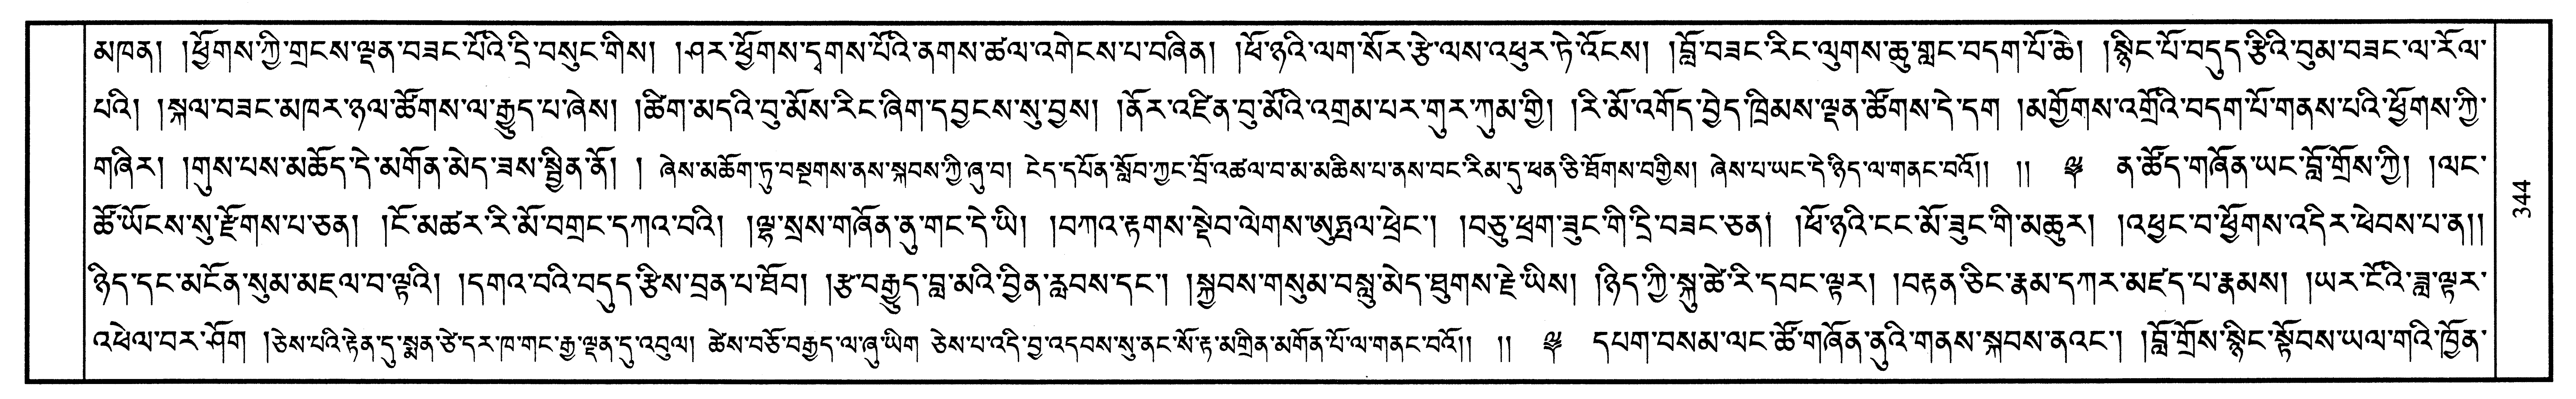མཁན། །ཕྱོགས་ཀྱི་གྲངས་ལྡན་བཟང་པོའི་དྲི་བསུང་གིས། །ཤར་ཕྱོགས་དྭགས་པོའི་ནགས་ཚལ་འགེངས་པ་བཞིན། །ཕོ་ཉའི་ལག་སོར་རྩེ་ལས་འཕུར་ཏེ་འོངས། །བློ་བཟང་རིང་ལུགས་ཆུ་གླང་བདག་པོ་ཆེ། །སྙིང་པོ་བདུད་རྩིའི་བུམ་བཟང་ལ་རོལ་
པའི་སྐལ་བཟང་མཁར་ཉལ་ཚོགས་ལ་རྒྱུད་པ་ཞེས། །ཚིག་མདའི་བུ་མོས་རིང་ཞིག་དབྱངས་སུ་བྱས། །ནོར་འཛིན་བུ་མོའི་འགྲམ་པར་གུར་ཀུམ་གྱི། །རི་མོ་འགོད་བྱེད་ཁྲིམས་ལྡན་ཚོགས་དེ་དག །མགྱོགས་འགྲོའི་བདག་པོ་གནས་པའི་ཕྱོགས་ཀྱི་
གཞིར། །གུས་པས་མཆོད་དེ་མགོན་མེད་ཟས་སྦྱིན་ནོ། །ཞེས་མཆོག་ཏུ་བསྔགས་ནས་སྐབས་ཀྱི་ཞུ་བ། ངེད་དཔོན་སློབ་ཀྱང་བྲོ་འཚལ་བ་མ་མཆིས་པ་ནས་བང་རིམ་དུ་ཕན་ཅི་ཐོགས་བགྱིས། ཞེས་པ་ཡང་དེ་ཉིད་ལ་གནང་བའོ།། །། ༈ ན་ཚོད་གཞོན་ཡང་བློ་གྲོས་ཀྱི། །ལང་
ཚོ་ཡོངས་སུ་རྫོགས་པ་ཅན། །ངོ་མཚར་རི་མོ་བགྲང་དཀའ་བའི། །ལྷ་སྲས་གཞོན་ནུ་གང་དེ་ཡི། །བཀའ་རྟགས་སྡེབ་ལེགས་ཨུཏྤལ་ཕྲེང་། །བཅུ་ཕྲག་ཟུང་གི་དྲི་བཟང་ཅན། །ཕོ་ཉའི་ངང་མོ་ཟུང་གི་མཆུར། །འཕྱང་བ་ཕྱོགས་འདིར་ཕེབས་པ་ན།།
ཉིད་དང་མངོན་སུམ་མཇལ་བ་ལྟའི། །དགའ་བའི་བདུད་རྩིས་བྲན་པ་ཐོབ། །རྩ་བརྒྱུད་བླ་མའི་བྱིན་རླབས་དང་། །སྐྱབས་གསུམ་བསླུ་མེད་ཐུགས་རྗེ་ཡིས། །ཉིད་ཀྱི་སྐུ་ཚེ་རི་དབང་ལྟར། །བརྟན་ཅིང་རྣམ་དཀར་མཛད་པ་རྣམས། །ཡར་ངོའི་ཟླ་ལྟར་
འཕེལ་བར་ཤོག །ཅེས་པའི་རྟེན་དུ་སྨན་ཙེ་དར་ཁ་གང་རྒྱ་ལྡན་དུ་འབུལ། ཚེས་བཅོ་བརྒྱད་ལ་ཞུ་ཡིག་ཅེས་པ་འདི་བྱ་འདབས་སུ་ནང་སོ་རྟ་མགྲིན་མགོན་པོ་ལ་གནང་བའོ།། །། ༈ དཔག་བསམ་ལང་ཚོ་གཞོན་ནུའི་གནས་སྐབས་ནའང་། །བློ་གྲོས་སྙིང་སྟོབས་ཡལ་གའི་ཁྱོན་